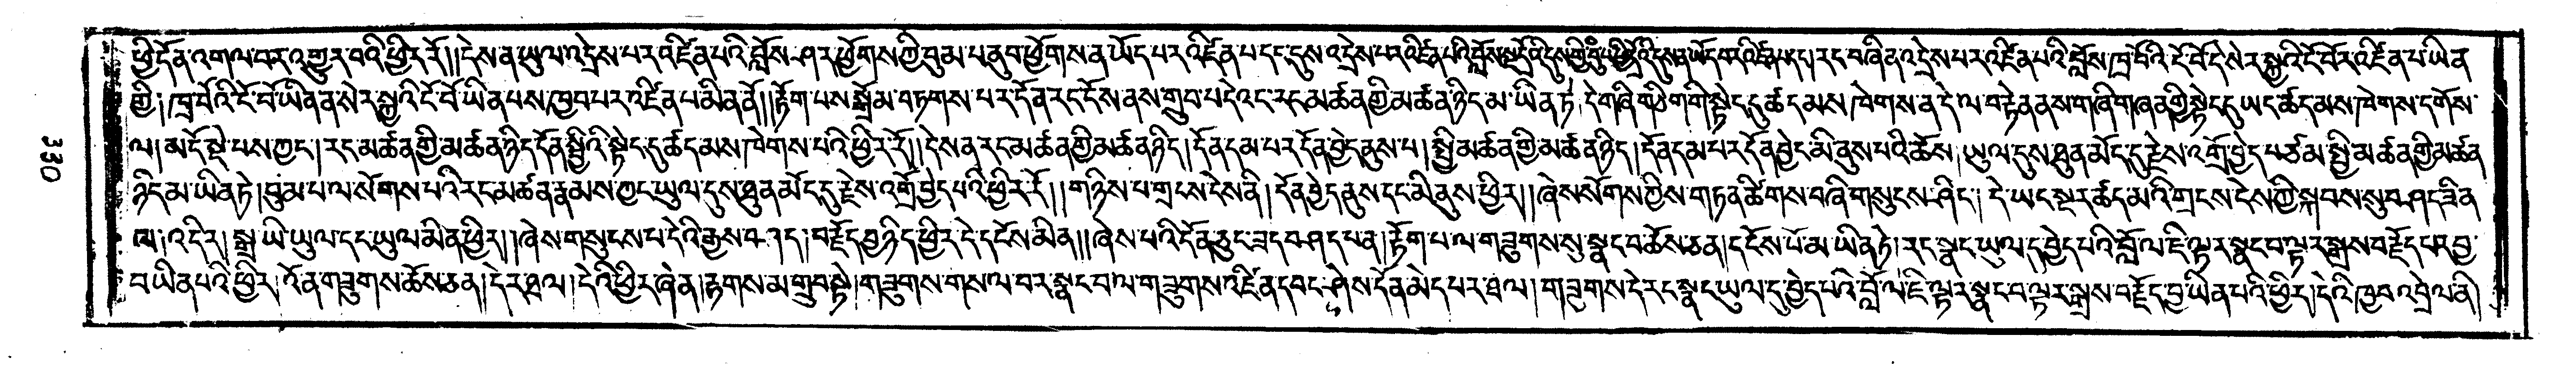ཕྱི་དོན་འགལ་བར་འགྱུར་བའི་ཕྱིར་རོ། །དེས་ན་ཡུལ་འདྲེས་པར་འཛིན་པའི་བློས་ཤར་ཕྱོགས་ཀྱི་བུམ་པ་ནུབ་ཕྱོགས་ན་ཡོད་པར་འཛིན་པ་དང་དུས་འདྲེས་པར་འཛིན་པའི་བློས་སྔ་དྲོའི་དུས་ཀྱི་ཕྱི་དྲོའི་དུས་ན་?་ཡོད་པར་འཛིན་པ་དང་། རང་བཞིན་འདྲེས་པར་འཛིན་པའི་བློས་ཁྲ་བོའི་ངོ་བོ་དེ་སེར་སྐྱའི་ངོ་བོར་འཛིན་པ་ཡིན་
གྱི། ཁྲ་བོའི་ངོ་བོ་ཡིན་ན་སེར་སྐྱའི་ངོ་བོ་ཡིན་པས་ཁྱབ་པར་འཛིན་པ་མིན་ནོ། །རྟོག་པས་སྒྲོ་མ་བཏགས་པར་དོན་རང་ངོས་ནས་གྲུབ་པ་དེའང་རང་མཚན་གྱི་མཚན་ཉིད་མ་ཡིན་ཏེ། དེ་གཞི་གཅིག་གི་སྟེང་དུ་ཚད་མས་ཁེགས་ན་དེ་ལ་བརྟེན་ནས་གཞི་གཞན་གྱི་སྟེང་དུ་ཡང་ཚད་མས་ཁེགས་དགོས་
ལ། མདོ་སྡེ་པས་ཀྱང་། རང་མཚན་གྱི་མཚན་ཉིད་དོན་སྤྱིའི་སྟེང་དུ་ཚད་མས་ཁེགས་པའི་ཕྱིར་རོ། །དེས་ན་རང་མཚན་གྱི་མཚན་ཉིད། དོན་དམ་པར་དོན་བྱེད་ནུས་པ། སྤྱི་མཚན་གྱི་མཚན་ཉིད། དོན་དམ་པར་དོན་བྱེད་མི་ནུས་པའི་ཆོས། ཡུལ་དུས་ཐུན་མོང་དུ་རྗེས་འགྲོ་བྱེད་པ་ཙམ་སྤྱི་མཚན་གྱི་མཚན་
ཉིད་མ་ཡིན་ཏེ། བུམ་པ་ལ་སོགས་པའི་རང་མཚན་རྣམས་ཀྱང་ཡུལ་དུས་ཐུན་མོང་དུ་རྗེས་འགྲོ་བྱེད་པའི་ཕྱིར་རོ། །གཉིས་པ་གྲངས་ངེས་ནི། དོན་བྱེད་ནུས་དང་མི་ནུས་ཕྱིར། །ཞེས་སོགས་ཀྱིས་གཏན་ཚིགས་བཞི་གསུངས་ཤིང་། དེ་ཡང་སྔར་ཚད་མའི་གྲངས་ངེས་ཀྱི་སྐབས་སུ་བཤད་ཟིན་
ལ༑ འདིར། སྒྲ་ཡི་ཡུལ་དང་ཡུལ་མིན་ཕྱིར། །ཞེས་གསུངས་པ་དེའི་རྒྱས་བཤད། བརྗོད་བྱ་ཉིད་ཕྱིར་དེ་དངོས་མིན། །ཞེས་པའི་དོན་ཅུང་ཟད་བཤད་པ་ན། རྟོག་པ་ལ་གཟུགས་སུ་སྣང་བ་ཆོས་ཅན། དངོས་པོ་མ་ཡིན་ཏེ། རང་སྣང་ཡུལ་དུ་བྱེད་པའི་བློ་ལ་ཇི་ལྟར་སྣང་བལྟར་སྒྲས་བརྗོད་པར་བྱ་
བ་ཡིན་པའི་ཕྱིར། འོ་ན་གཟུགས་ཆོས་ཅན། དེར་ཐལ། དེའི་ཕྱིར་ཞེ་ན། རྟགས་མ་གྲུབ་སྟེ། གཟུགས་གསལ་བར་སྣང་བ་ལ་གཟུགས་འཛིན་དབང་ཤེས་དོན་མེད་པར་ཐལ། གཟུགས་དེ་རང་སྣང་ཡུལ་དུ་བྱེད་པའི་བློ་ལ་ཇི་ལྟར་སྣང་བ་ལྟར་སྒྲས་བརྗོད་བྱ་ཡིན་པའི་ཕྱིར། དེའི་ཁྱབ་འབྲེལ་ནི།